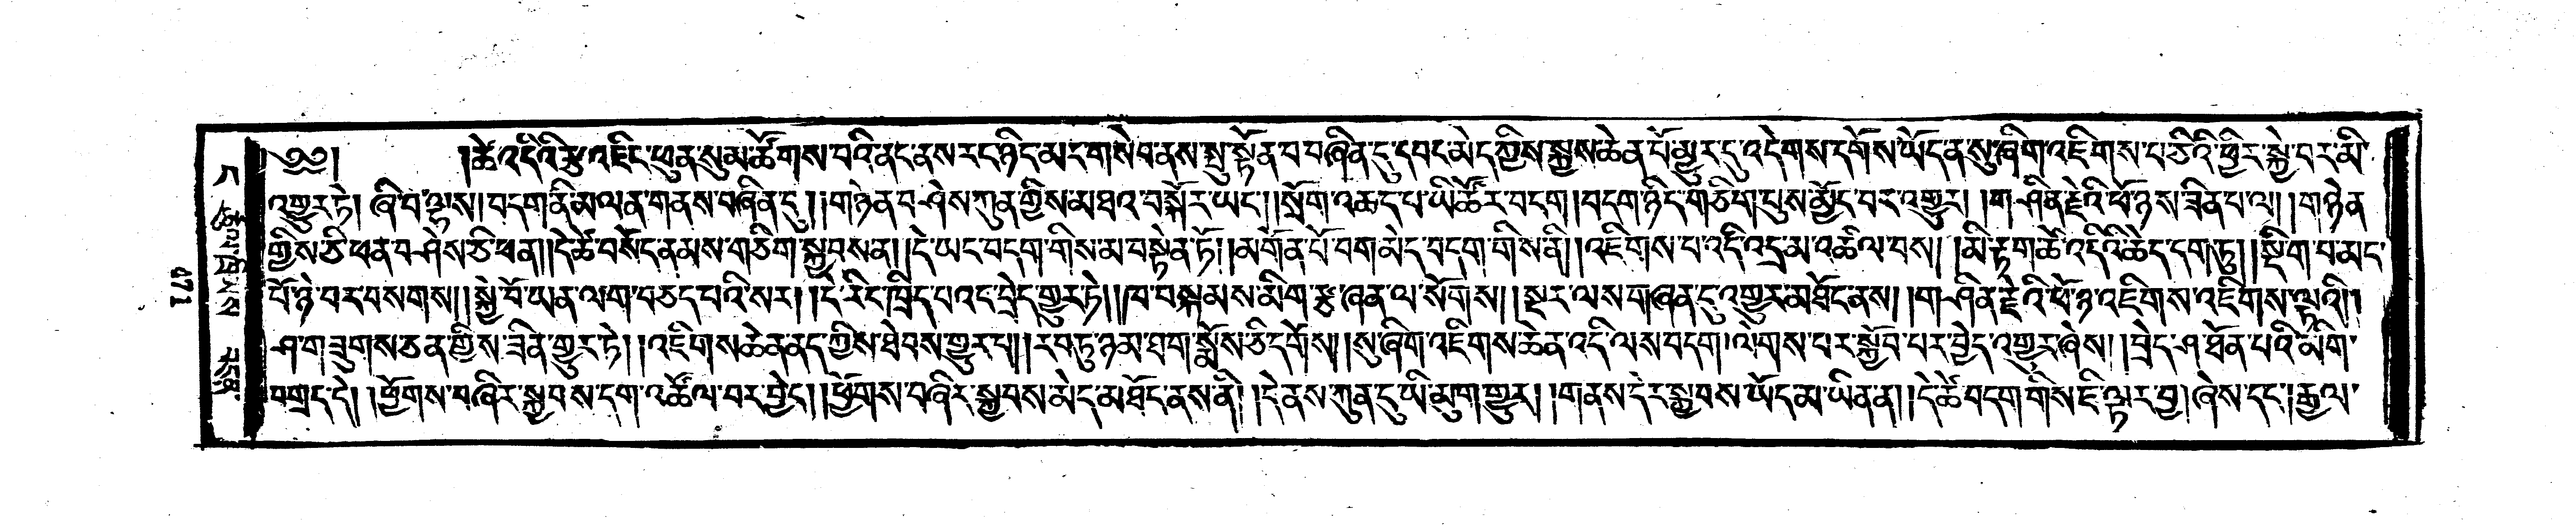༄༅། །ཚེ་འདིའི་རྩ་འཇིང་ཕུན་སུམ་ཚོགས་པའི་ནང་ནས་རང་ཉིད་མར་གསེབ་ནས་སྤུ་སྟོན་པ་བཞིན་དུ་དབང་མེད་ཀྱིས་སྐྱས་ཆེན་པོ་མྱུར་དུ་འདེགས་དགོས་ཡོད་ན་སུ་ཞིག་འཇིགས་པ་ཅིའི་ཕྱིར་སྐྱེ་བར་མི་
འགྱུར་ཏེ། ཞི་བ་ལྷས། བདག་ནི་མལ་ན་གནས་བཞིན་དུ། །གཉེན་བཤེས་ཀུན་གྱི་མཐའ་བསྐོར་ཡང་། །སྲོག་འཆད་པ་ཡི་ཚོར་བདག །བདག་ཉིད་གཅིག་པུས་མྱོང་བར་འགྱུར། །གཤིན་རྗེའི་ཕོ་ཉས་ཟིན་པ་ལ། །གཉེན་
གྱིས་ཅི་ཕན་བཤེས་ཅི་ཕན། །དེ་ཚེ་བསོད་ནམས་གཅིག་སྐྱབས་ན། །དེ་ཡང་བདག་གིས་མ་བསྟེན་ཏོ། །མགོན་པོ་བདག་མེད་བདག་གིས་ནི། །འཇིགས་པ་འདི་འདྲ་མ་འཚལ་བས། །མི་རྟག་ཚེ་འདིའི་ཆེད་དག་ཏུ། །སྡིག་པ་མང་
པོ་ཉེ་བར་བསགས། །སྐྱེ་བོ་ཡན་ལག་བཅད་པའི་སར། །དེ་རིང་ཁྲིད་པའང་བྲེད་གྱུར་ཏེ། །ཁ་བསྐོམས་མིག་རྩ་ཞན་ལ་སོགས། །སྔར་ལས་གཞན་དུ་འགྱུར་མཐོང་ནས། །གཤིན་རྗེའི་ཕོ་ཉ་འཇིགས་འཇིགས་ལྟའི། །
ཤ་གཟུགས་ཅན་གྱིས་ཟིན་གྱུར་ཏེ། །འཇིགས་ཆེན་ནད་ཀྱིས་ཐེབས་གྱུར་པ། །རབ་ཏུ་ཉམ་ཐག་སྨོས་ཅི་དགོས། །སུ་ཞིག་འཇིགས་ཆེན་འདི་ལས་བདག །ལེགས་པར་སྐྱོབ་པར་བྱེད་འགྱུར་ཞེས། །བྲེད་ཤ་ཐོན་པའི་མིག་
བགྲད་དེ། །ཕྱོགས་བཞིར་སྐྱབས་དག་འཚོལ་བར་བྱེད། །ཕྱོགས་བཞིར་སྐྱབས་མེད་མཐོང་ནས་ནི། །དེ་ནས་ཀུན་དུ་ཡི་མུག་གྱུར། །གནས་དེར་སྐྱབས་ཡོད་མ་ཡིན་ན། །དེ་ཚེ་བདག་གིས་ཇི་ལྟར་བྱ། ཞེས་དང་། རྒྱལ་